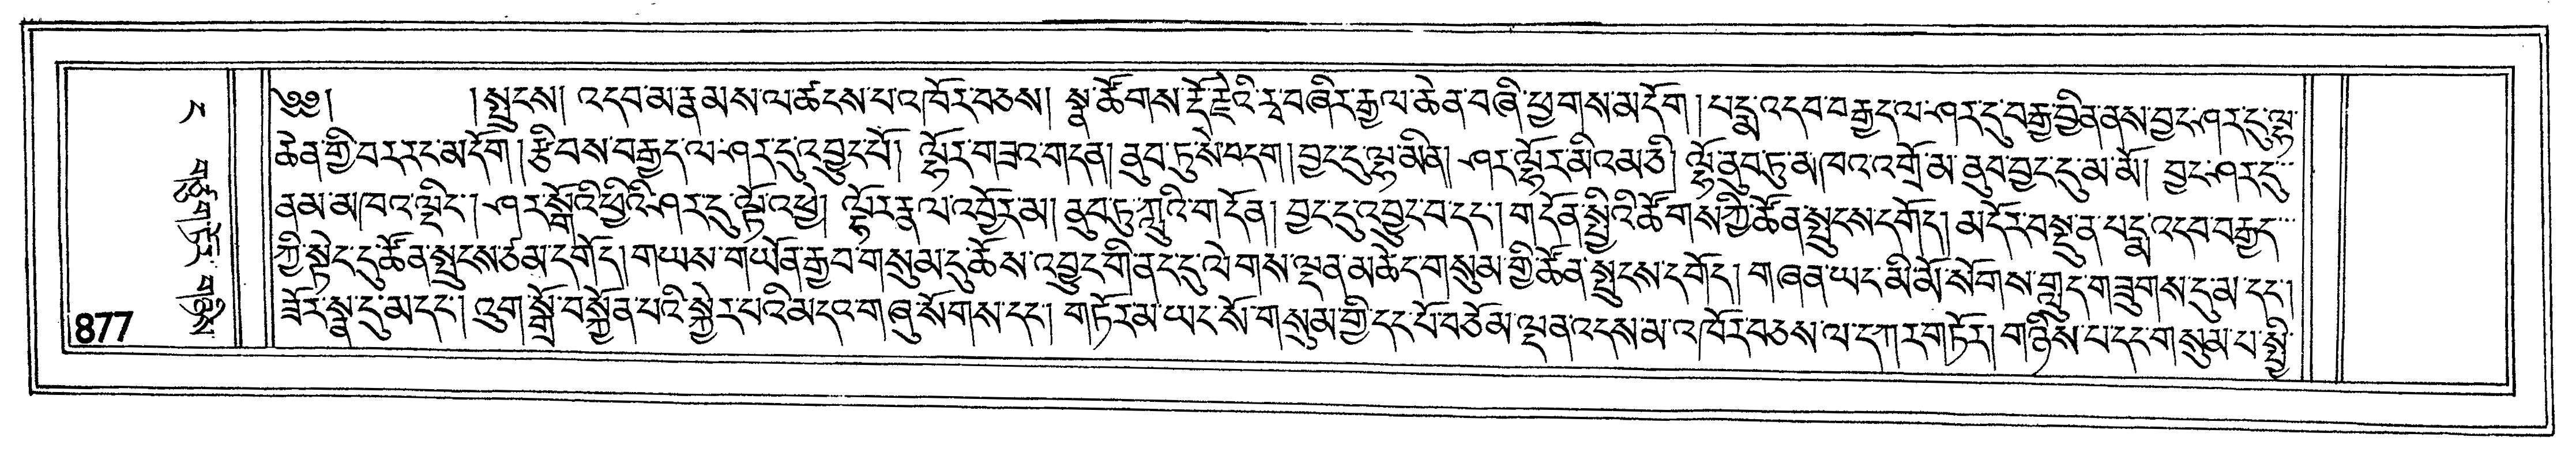༄༅། །སྤུངས། འདབ་མ་རྣམས་ལ་ཚངས་པ་འཁོར་བཅས། སྣ་ཚོགས་རྡོ་རྗེའི་རྭ་བཞིར་རྒྱལ་ཆེན་བཞི་ཕྱགས་མདོག །པདམ་འདབ་བརྒྱད་ལ་ཤར་དུ་བརྒྱ་བྱིན་ནས་བྱང་ཤར་དུ་ལྷ་
ཆེན་གྱི་བར་རང་མདོག །རྩིབས་བརྒྱད་ལ་ཤར་དུ་འབྱུང་པོ། ལྷོར་གཟའ་གདན། ནུབ་ཏུ་སེ་བདག །བྱང་དུ་ལྷ་མིན། ཤར་ལྷོར་མིའམ་ཅི། ལྷོ་ནུབ་ཏུ་མཁའ་འགྲོ་མ་ནུབ་བྱང་དུ་མ་མོ། བྱང་ཤར་དུ་
ནམ་མཁའ་ལྡིང་། ཤར་སྒོའི་ཕྱིའི་ཤར་དུ་ལྟོ་འཕྱེ། ལྷོར་རྣལ་འབྱོར་མ། ནུབ་ཏུ་ཀླུའི་གདོན། བྱང་དུ་འབྱུང་བ་དང་། གདོན་སྤྱིའི་ཚོགས་ཀྱི་ཚོན་སྤུངས་དགོད། མདོར་བསྡུ་ན་པདམ་འདབ་བརྒྱད་
ཀྱི་སྟེང་དུ་ཚོན་སྤུངས་ཙམ་དགོད། གཡས་གཡོན་རྒྱབ་གསུམ་དུ་ཆོས་འབྱུང་གི་ནང་དུ་ལེགས་ལྡན་མཆེད་གསུམ་གྱི་ཚོན་སྤུངས་དགོད། གཞན་ཡང་མི་མོ་སོགས་གླུད་གཟུགས་དུ་མ་དང་།
ཟོར་སྣ་དུ་མ་དང་། འུག་སྒྲོ་བསྐྱོན་པའི་སྐྱེར་པའི་མདའ་གཞུ་སོགས་དང་། གཏོར་མ་ཡང་སོ་གསུམ་གྱི་དང་པོ་བཅོམ་ལྡན་འདས་མ་འཁོར་བཅས་ལ་དཀར་གཏོར། གཉིས་པ་དང་གསུམ་པ་སྤྱི་